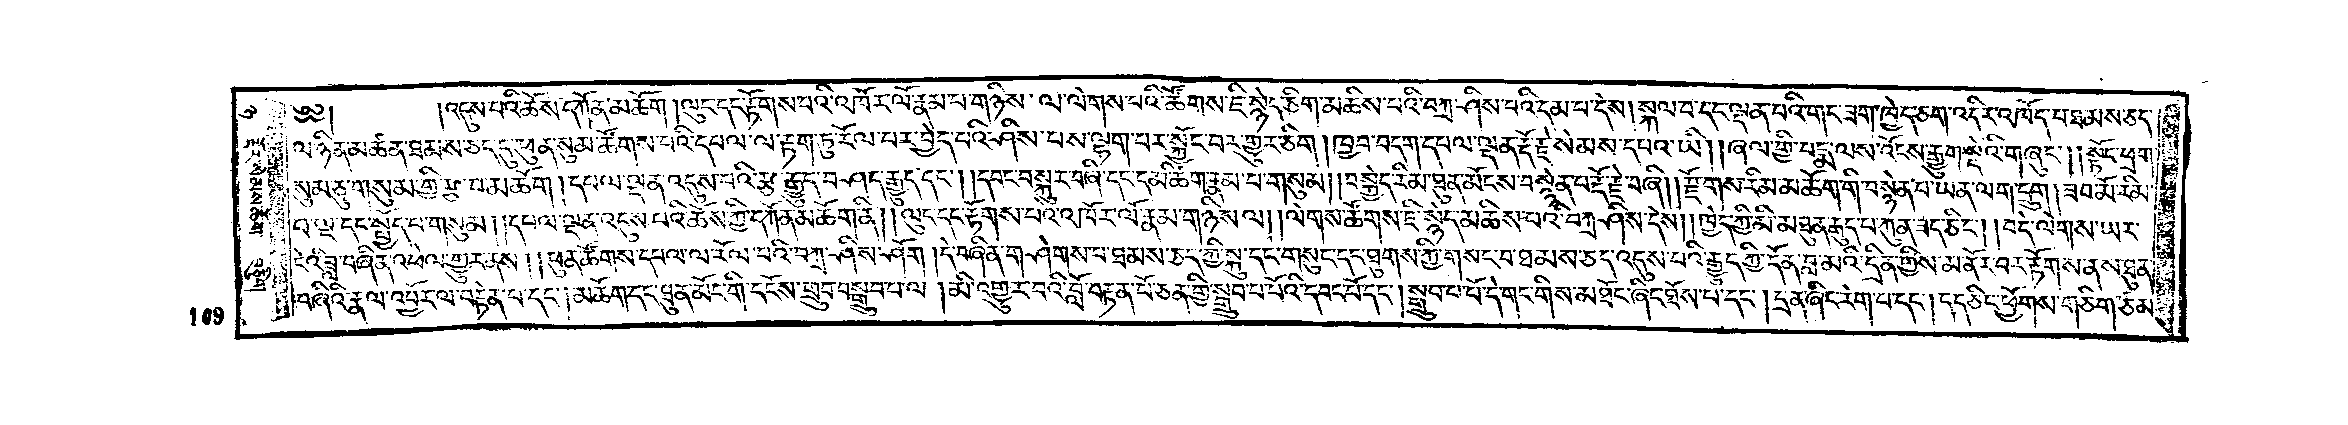༄༅། །འདུས་པའི་ཆོས་དཀོན་མཆོག །ལུང་དང་རྟོགས་པའི་འཁོར་ལོ་རྣམ་པ་གཉིས་ལ་ལེགས་པའི་ཚོགས་ཇི་སྙེད་ཅིག་མཆིས་པའི་བཀྲ་ཤིས་པའི་དམ་པ་དེས། སྐལ་བ་དང་ལྡན་པའི་གང་ཟག་ཁྱེད་ཅག་འདིར་འཁོད་པ་ཐམས་ཅད་
ལ་ཉིན་མཚན་ཐམས་ཅད་དུ་ཕུན་སུམ་ཚོགས་པའི་དཔལ་ལ་རྟག་ཏུ་རོལ་པར་བྱེད་པའི་ཤིས་པས་ལྷག་པར་སྐྱོང་བར་གྱུར་ཅིག །ཁྱབ་བདག་དཔལ་ལྡན་རྡོ་རྗེ་སེམས་དཔའ་ཡི། །ཞལ་གྱི་པདམ་ལས་འོངས་རྒྱུད་སྡེའི་གཞུང་། །སྟོང་ཕྲག་
སུམ་ཅུ་གསུམ་གྱི་རྩ་བ་མཆོག །དཔལ་ལྡན་འདུས་པའི་རྩ་རྒྱུད་བཤད་རྒྱུད་དང་། །དབང་བསྐུར་བཞི་དང་དམ་ཚིག་རྣམ་པ་གསུམ། །བསྐྱེད་རིམ་ཐུན་མོངས་བསྙེན་པ་རྡོ་རྗེ་བཞི། །རྫོགས་རིམ་མཆོག་གི་བསྙེན་པ་ཡན་ལག་དྲུག །ཟབ་མོ་རིམ་
པ་ལྔ་དང་སྤྱོད་པ་གསུམ། །དཔལ་ལྡན་འདུས་པའི་ཆོས་ཀྱི་དཀོན་མཆོག་ནི། །ལུང་དང་རྟོགས་པའི་འཁོར་ལོ་རྣམ་གཉིས་ལ། །ལེགས་ཚོགས་ཇི་སྙེད་མཆིས་པའི་བཀྲ་ཤིས་དེས། །ཁྱེད་ཀྱི་མི་མཐུན་རྒྱུད་པ་ཀུན་ཟད་ཅིང་། །བདེ་ལེགས་ཡར་
ངེའི་ཟླ་བཞིན་འཕེལ་གྱུར་ནས། །ཕུན་ཚོགས་དཔལ་ལ་རོལ་པའི་བཀྲ་ཤིས་ཤོག །དེ་བཞིན་གཤེགས་པ་ཐམས་ཅད་ཀྱི་སྐུ་དང་གསུང་དང་ཐུགས་ཀྱི་གསང་བ་ཐམས་ཅད་འདུས་པའི་རྒྱུད་ཀྱི་དོན་བླ་མའི་དྲིན་གྱིས་མ་ནོར་བར་རྟོགས་ནས་ཐུན་
བཞིའི་རྣལ་འབྱོར་ལ་བརྟེན་པ་དང་། མཆོག་དང་ཐུན་མོང་གི་དངོས་གྲུབ་བསྒྲུབ་པ་ལ། མི་འགྱུར་བའི་བློ་བརྟན་པོ་ཅན་གྱི་སྒྲུབ་པ་པོའི་དབང་པོ་དང་། སྒྲུབ་པ་པོ་དེ་གང་གིས་མཐོང་ཞིང་ཐོས་པ་དང་། དྲན་ཞིང་རེག་པ་དང་། དད་ཅིང་ཕྱོགས་གཅིག་ཙམ་